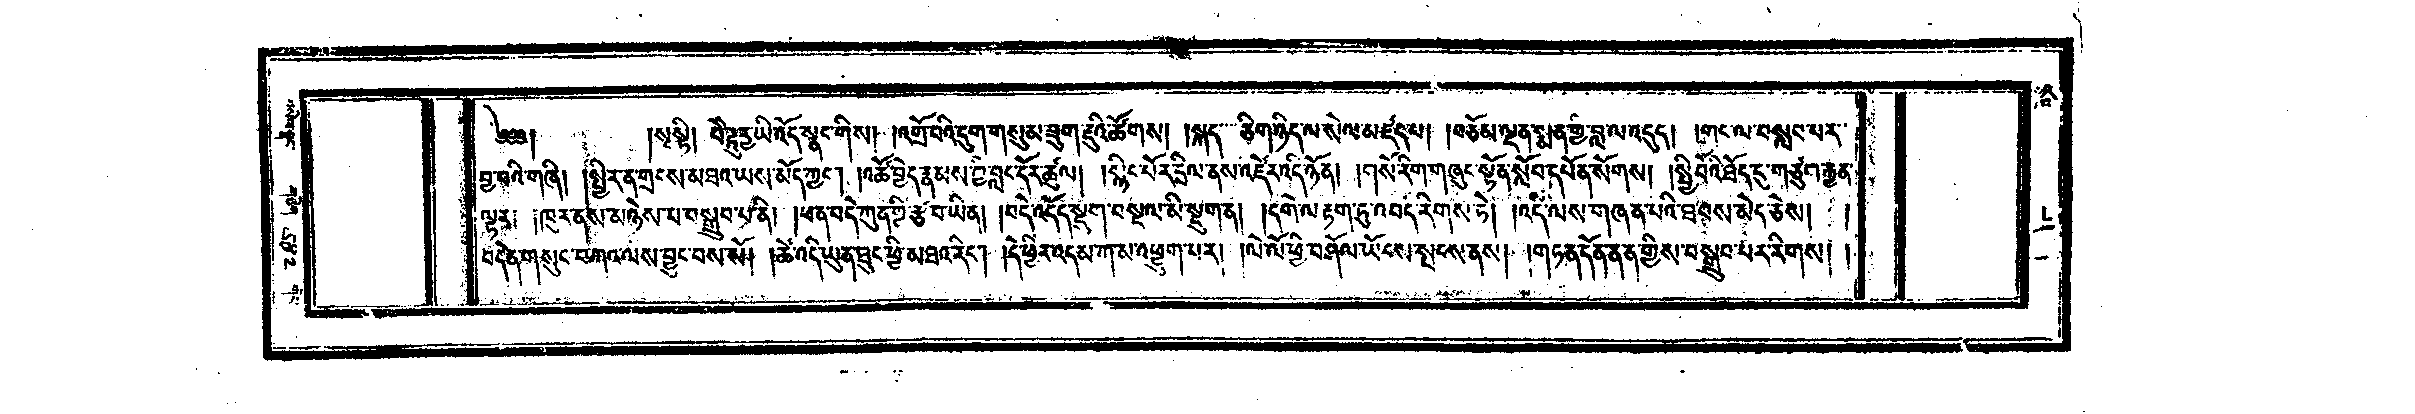༄༅༅། །སྭ་སྟི། བཻཌཱུརྱ་ཡི་འོད་སྣང་གིས། །འགྲོ་བའི་དུག་གསུམ་ཟུག་རྔུའི་ཚོགས། །སྐད་ཅིག་ཉིད་ལ་སེལ་མཛད་པ། །བཅོམ་ལྡན་སྨན་གྱི་བླ་ལ་འདུད། །གང་ལ་བསླབ་པར་
བྱ་བའི་གཞི། །སྤྱིར་ན་གྲངས་མཐའ་ཡས་མོད་ཀྱང་། །འཚོ་བྱེད་རྣམས་ཀྱི་བླང་དོར་ཚུལ། །སྙིང་པོར་དྲིལ་ནས་འཛེར་འདི་ཉོན། །གསོ་རིག་གཞུང་སྟོན་སློབ་དཔོན་སོགས། །སྤྱི་བོའི་ཐོད་དུ་གཙུག་རྒྱན་
ལྟར། །ཁུར་ནས་མཉེས་པ་བསྒྲུབ་པ་ནི། །ཕན་བདེ་ཀུན་གྱི་རྩ་བ་ཡིན། །བདེ་འདོད་སྡུག་བསྔལ་མི་སྡུག་ན། །དགེ་ལ་རྟག་ཏུ་འབད་རིགས་ཏེ། །འདི་ལས་གཞན་པའི་ཐབས་མེད་ཅེས། །
བདེན་གསུང་བཀའ་ལས་བྱུང་བས་སོ། །ཚེ་འདི་ཡུན་ཐུང་ཕྱི་མཐའ་རིང་། །དེ་ཕྱིར་འདམ་ག་མ་འཕྱུག་པར། །ལེ་ལོ་ཕྱི་བཤོལ་ཡོངས་སྤངས་ནས། །གཏན་དོན་ནན་གྱིས་བསྒྲུབ་པར་རིགས། །